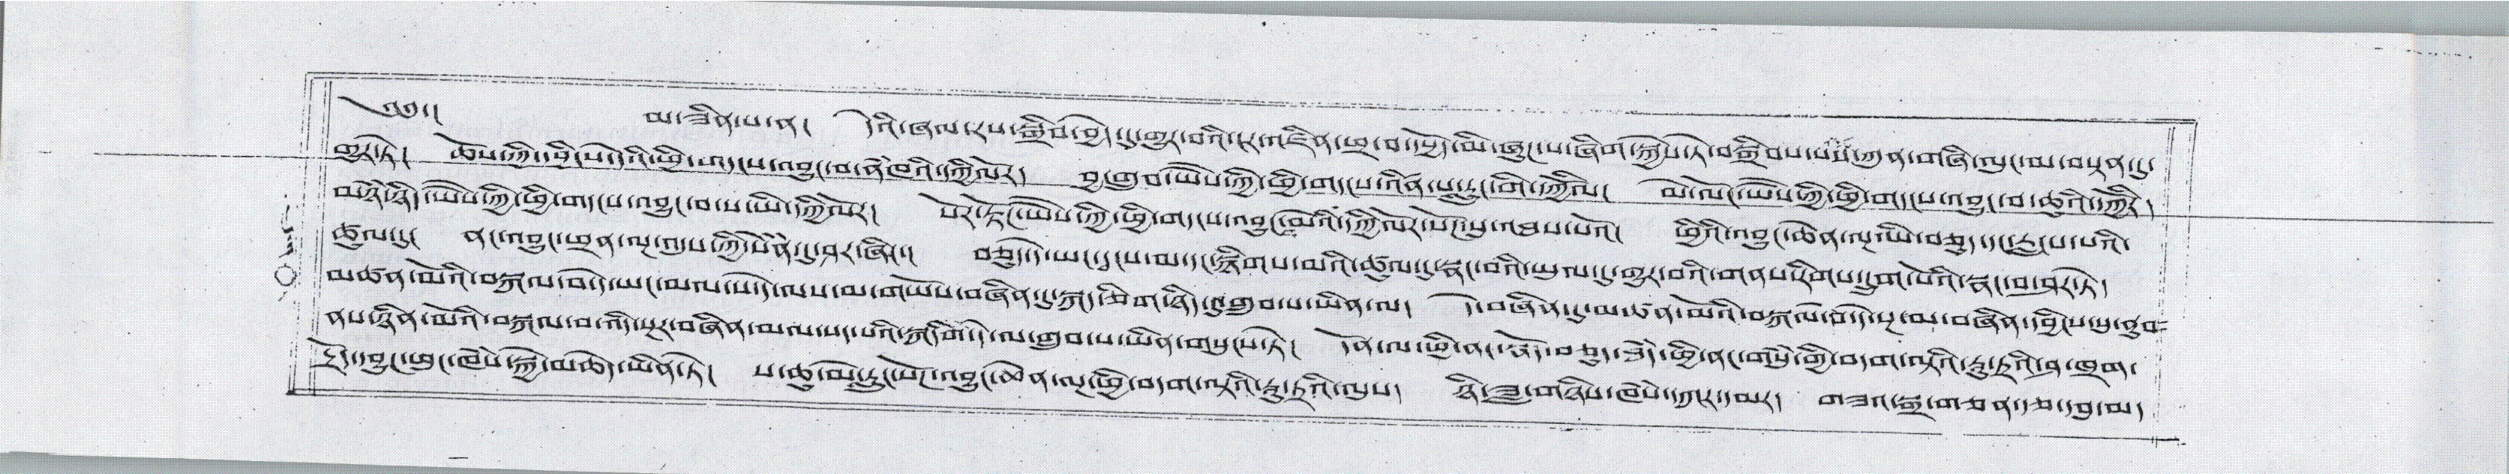མ་ཟིན་པ་ན། དེའི་ཞལ་རས་སྒྲིབ་བྱེད་དུ་གྱུར་པའི་ངར་འཛིན་ཕྲ་བ་དཔྱོད་མི་ཞུགས་པ་ཞིག་སྐྱེས་ཏེ་བསྒྲིབས་པས་ཀུན་གཞི་ལུང་མ་བསྟན་དུ་
གྱུར་ཏེ། ཆོས་ཀྱི་དབྱིངས་དེའི་ཕྱི་གདངས་འབྱུང་བ་ནམ་མཁའི་དཀྱིལ་འཁོར། བྱ་གྲུབ་ཡེ་ཤེས་ཀྱི་ཕྱི་གདངས་འཛིན་པ་རླུང་གི་དཀྱིལ་འཁོར། མེ་ལོང་ཡེ་ཤེས་ཀྱི་ཕྱི་གདངས་འབྱུང་བ་ཆུའི་དཀྱིལ་འཁོར། 
མཉམ་ཉིད་ཡེ་ཤེས་ཀྱི་ཕྱི་གདངས་འབྱུང་བ་ས་ཡི་དཀྱིལ་འཁོར། སོར་རྟོགས་ཡེ་ཤེས་ཀྱི་ཕྱི་གདངས་འབྱུང་བ་མེ་ཡི་དཀྱིལ་འཁོར་སོགས་སུ་འཐས་པའོ། ཕྱིའི་འབྱུང་ཆེན་ལྔ་ཡི་བཅུད་དང་རླངས་པའི་
ཚུལ་དུ། ནང་འབྱུང་ཕྲན་ལྔ་འདུས་ཀྱི་སེམས་ཅན་དུ་ཤར་ཞིང་བཅུད་དེ་ཡང་དྭངས་མ་དང་སྙིགས་མའི་ཚུལ་དུ་ཤར་སྣང་བའི་ཡུལ་དུ་གྱུར་པའི་གནས་རིགས་དྲུག་པོའི་སྣང་བ་ཤར་ཏེ། 
མཚན་མོའི་བསྐལ་པ་དེ་ཡང་མལ་ས་དེ་ལས་མ་གཡོིས་བཞིན་དུ་སྐད་ཅིག་ཉིད་དུ་གྲུབ་པ་ཡིན་ལ། དེ་བཞིན་དུ་མཚན་མོའི་བསྐལ་པ་དེ་སྔ་མ་བཞིན་དབྱིངས་སུ་ནུབ་
ནས་ཉིན་མོའི་བསྐལ་པ་འདི་སྔར་བཞིན་མལ་སད་པའི་སྐད་ཅིག་དེ་ལ་གྲུབ་པ་ཡིན་གསུངས་ཏེ། དོན་ལ་ཕྱི་ནང་སྣོད་བཅུད་ཐམས་ཅད་ཕྱི་ནང་གསུམ་གྱི་བདག་ལྟའི་རུ་ཏྲའི་ཤ་ཁྲག་
དྲོད་དབུགས་འབྱུང་ཁམས་སྐྱེ་མཆེད་ཡིན་ཏེ། ས་ཆུ་མེ་རླུང་སོགས་འབྱུང་ཆེན་ལྔ་ཕྱི་བདག་ལྟའི་རུ་ཏྲའི་ལུས། ཉི་ཟླ་གཉིས་ཁམས་དཀར་དམར། གཟའ་སྒྲ་གཅན་རྩ་དབུ་མ།